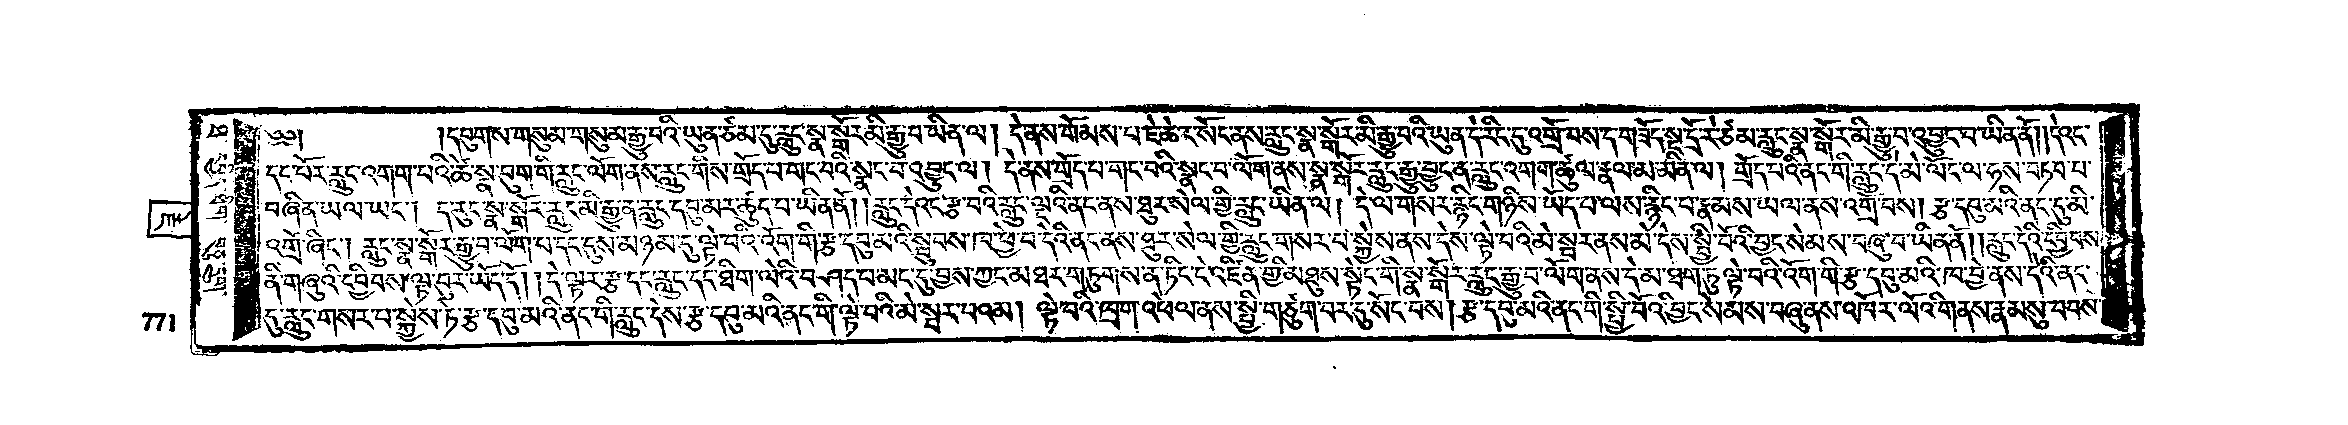༄༅། །དབུགས་གསུམ་གསུམ་རྒྱུ་བའི་ཡུན་ཙམ་དུ་རླུང་སྣ་སྒོར་མི་རྒྱུ་བ་ཡིན་ལ། དེ་ནས་གོམས་པ་ཇེ་ཆེར་སོང་ནས་རླུང་སྣ་སྒོར་མི་རྒྱུ་བའི་ཡུན་དེ་རིང་དུ་འགྲོ་བས་ད་གཟོད་སྔ་དྲོ་རེ་ཙམ་རླུང་སྣ་སྒོར་མི་རྒྱུ་བ་འབྱུང་བ་ཡིན་ནོ། །དེའང་
དང་པོར་རླུང་འགག་པའི་ཚེ་སྣ་བུག་གི་རླུང་ལོག་ནས་རླུང་གིས་གྲོད་པ་གང་བའི་སྣང་བ་འབྱུང་ལ། དེ་ནས་གྲོད་པ་གང་བའི་སྣང་བ་ལོག་ནས་སྣ་སྒོར་རླུང་རྒྱུ་བྱུང་ན་རླུང་འགག་ཚུལ་རྣལ་མ་མིན་ལ། གྲོད་པའི་ནང་གི་རླུང་དེ་མེ་ལོང་ལ་ཧས་བཏབ་པ་
བཞིན་ཡལ་ཡང་། ད་རུང་སྣ་སྒོར་རླུང་མི་རྒྱུ་ན་རླུང་དབུ་མར་ཚུད་པ་ཡིན་ནོ། །རླུང་དེའང་རྩ་བའི་རླུང་ལྔའི་ནང་ནས་ཐུར་སེལ་གྱི་རླུང་ཡིན་ལ། དེ་ལ་གསར་རྙིང་གཉིས་ཡོད་པ་ལས་རྙིང་པ་རྣམས་ཡལ་ནས་འགྲོ་བས། རྩ་དབུ་མའི་ནང་དུ་མི་
འགྲོ་ཞིང་། རླུང་སྣ་སྒོར་རྒྱུ་བ་ལོག་པ་དང་དུས་མཉམ་དུ་ལྟེ་བའི་འོག་གི་རྩ་དབུ་མའི་སྦུབས་ཁ་ཕྱེ་བ་དེའི་ནང་ནས་ཐུར་སེལ་གྱི་རླུང་གསར་པ་སྐྱེས་ནས་དེས་ལྟེ་བའི་མེ་སྦར་ནས་མེ་དེས་སྤྱི་བོའི་བྱང་སེམས་བཞུ་བ་ཡིན་ནོ། །རླུང་དེའི་དབྱིབས་
ནི་གཞུའི་དབྱིབས་ལྟ་བུར་ཡོད་དོ། །དེ་ལྟར་རྩ་དང་རླུང་དང་ཐིག་ལེའི་བཤད་པ་མང་དུ་བྱས་ཀྱང་མཐར་གཏུགས་ན་ཏིང་ངེ་འཛིན་གྱི་མཐུས་སྟེང་གི་སྣ་སྒོར་རླུང་རྒྱུ་བ་ལོག་ནས་དེ་མ་ཐག་ཏུ་ལྟེ་བའི་འོག་གི་རྩ་དབུ་མའི་ཁ་བྱེ་ནས་དེའི་ནང་
དུ་རླུང་གསར་པ་སྐྱེས་ཏེ་རྩ་དབུ་མའི་ནང་གི་རླུང་དེས་རྩ་དབུ་མའི་ནང་གི་ལྟེ་བའི་མེ་སྦར་པའམ། ལྟེ་བའི་ཁྲག་འཕེལ་ནས་སྤྱི་གཙུག་བར་དུ་སོང་བས། རྩ་དབུ་མའི་ནང་གི་སྤྱི་བོའི་བྱང་སེམས་བཞུ་ནས་འཁོར་ལོའི་གནས་རྣམས་སུ་བབས་